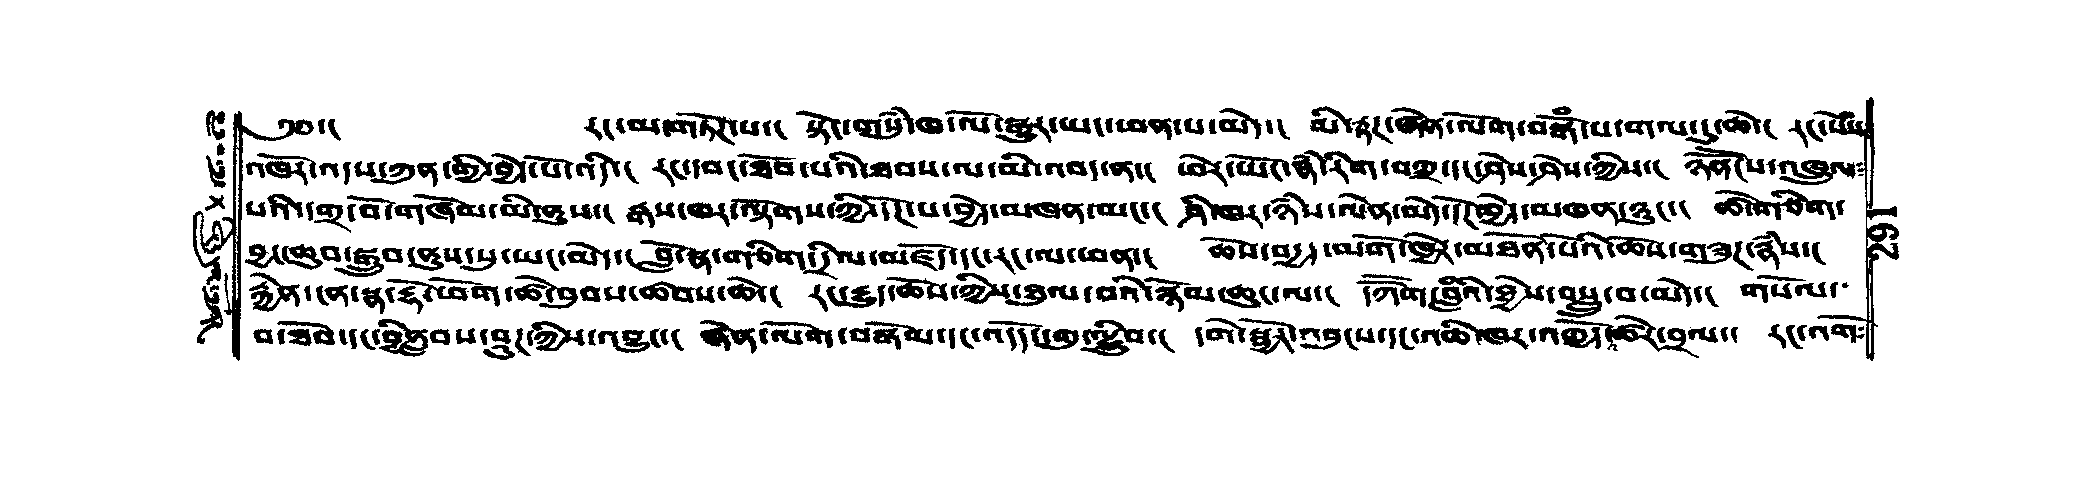རང་མ་གཏོགས་པ། །སྟོང་གསུམ་ཁ་ལོ་སྒྱུར་ཡང་ཕན་པ་མེད། །མི་རྟག་ཞེན་ལོག་བསྒོམ་པ་གལ་དུ་ཆེ། །རང་སེམས་
འཁོར་འདས་ཀུན་གྱི་བྱེད་པོ་འདི། །རང་དབང་ཐོབ་པའི་ཐབས་ལ་མི་འབད་ན། །ཕེར་ཡོང་རྣམ་རིག་བཀྲ་དང་ཤེས་ཤེས་ཀྱིས། །ཉོན་མོངས་འཁྲུལ་
པའི་དགྲ་བོ་གཞོམ་མི་ནུས། །རྒས་ཁར་ལྟོགས་ཀྱི་དོགས་པ་བྱེད་མཁན་མང་། །ཤི་ཁར་ཉམས་ལེན་མེད་དོགས་བྱེད་མཁན་ཉུང་། །ཚེ་གཅིག་
བྱང་ཆུབ་སྒྲུབ་ནུས་སུ་ཡང་མེད། །བློ་སྣ་གཅིག་དྲིལ་མཛོད་དང་རང་ལ་ཕན། །ཆོས་བརྒྱད་མགོ་ཁྱེར་མཐོན་པོའི་ཆོས་གཟུགས་རྣམས། །
རྐྱེན་ངན་སྣ་རྡོ་ཕོག་ཚེ་བུབ་ཚབས་ཆེ། །རང་རྒྱུད་ཆོས་ཀྱིས་ཐུལ་བའི་སྙོམ་ཆུང་ལ། །དཀོན་མཆོག་བླ་མའི་ཐུགས་རྗེས་བསླུ་བ་མེད། །གསོལ་
བ་ཐོབ་དང་བྱིན་རླབས་ཤུགས་ཀྱིས་འབྱུང།ཞེན་ལོག་བསྒོམ་དང་འདོད་དགུ་ལྷུན་གྱིས་གྲུབ། །དགེ་སྦྱོར་འབུངས་དང་འཆི་ཁར་འགྱོད་ཚེར་བྲལ། །རང་འགོ་